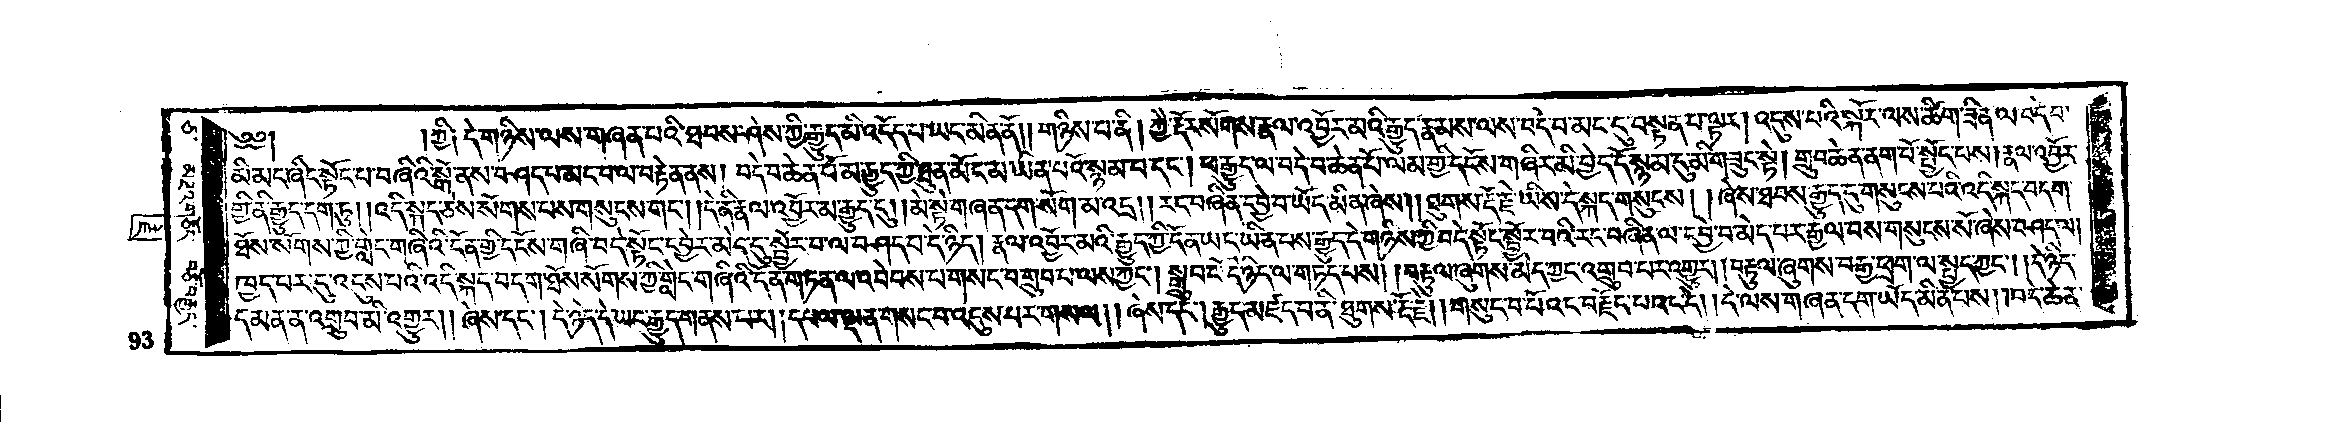༄༅། །ཀྱི། དེ་གཉིས་ལས་གཞན་པའི་ཐབས་ཤེས་ཀྱི་རྒྱུད་མི་འདོད་པ་ཡང་མིན་ནོ། །གཉིས་པ་ནི། ཀྱཻ་རྡོར་སོགས་རྣལ་འབྱོར་མའི་རྒྱུད་རྣམས་ལས་བདེ་བ་མང་དུ་བསྟན་པ་ལྟར། འདུས་པའི་སྐོར་ལས་ཚིག་ཟིན་ལ་བདེ་བ་
མི་མང་ཞིང་སྟོང་པ་བཞིའི་སྒོ་ནས་བཤད་པ་མང་བ་ལ་བརྟེན་ནས། བདེ་བ་ཆེན་པོ་མ་རྒྱུད་ཀྱི་ཐུན་མོང་མ་ཡིན་པའོ་སྙམ་པ་དང་། ཕ་རྒྱུད་ལ་བདེ་བ་ཆེན་པོ་ལམ་གྱི་དངོས་གཞིར་མི་བྱེད་དོ་སྙམ་དུ་མི་གཟུང་སྟེ། གྲུབ་ཆེན་ནག་པོ་སྤྱོད་པས། རྣལ་འབྱོར་
གྱི་ནི་རྒྱུད་དག་ཏུ། །འདི་སྐད་ཅེས་སོགས་པས་གསུངས་གང་། །དེ་ནི་རྣལ་འབྱོར་མ་རྒྱུད་དུ། །མེ་སྟེ་གཞན་དག་སོག་མ་འདྲ། །རང་བཞིན་དབྱེ་བ་ཡོད་མིན་ཞེས། །ཐུགས་རྡོ་རྗེ་ཡིས་དེ་སྐད་གསུངས། །ཞེས་ཐབས་རྒྱུད་དུ་གསུངས་པའི་འདི་སྐད་བདག་
ཐོས་སོགས་ཀྱི་གླེང་གཞིའི་དོན་གྱི་དངོས་གཞི་བདེ་སྟོང་དབྱེར་མེད་དུ་སྦྱོར་བ་ལ་བཤད་པ་དེ་ཉིད། རྣལ་འབྱོར་མའི་རྒྱུད་ཀྱི་དོན་ཡང་ཡིན་པས་རྒྱུད་དེ་གཉིས་ཀྱི་བདེ་སྟོང་སྦྱོར་བའི་རང་བཞིན་ལ་དབྱེ་བ་མེད་པར་རྒྱལ་བས་གསུངས་སོ་ཞེས་བཤད་ལ།
ཁྱད་པར་དུ་འདུས་པའི་འདི་སྐད་བདག་ཐོས་སོགས་ཀྱི་གླེང་གཞིའི་དོན་གཏན་ལ་འབེབས་པ་གསང་བ་གྲུབ་པ་ལས་ཀྱང་། སྒྲུབ་པོ་དེ་ཉིད་ལ་གཏད་པས། །བརྟུལ་ཞུགས་མེད་ཀྱང་འགྲུབ་པར་འགྱུར། །བརྟུལ་ཞུགས་བརྒྱ་ཕྲག་ལ་སྤྱད་ཀྱང་། །དེ་ཉིད་
དམན་ན་འགྲུབ་མི་འགྱུར། །ཞེས་དང་། དེ་ཉིད་དེ་ཡང་རྒྱུད་གནས་པར། །དཔལ་ལྡན་གསང་བ་འདུས་པར་གསལ། །ཞེས་དང་། རྒྱུད་མཛད་པ་ནི་ཐུགས་རྡོ་རྗེ། །གསུང་བ་པོའང་བརྗོད་པའང་དེ། །དེ་ལས་གཞན་དག་ཡོད་མིན་པས། །བདེ་ཆེན་